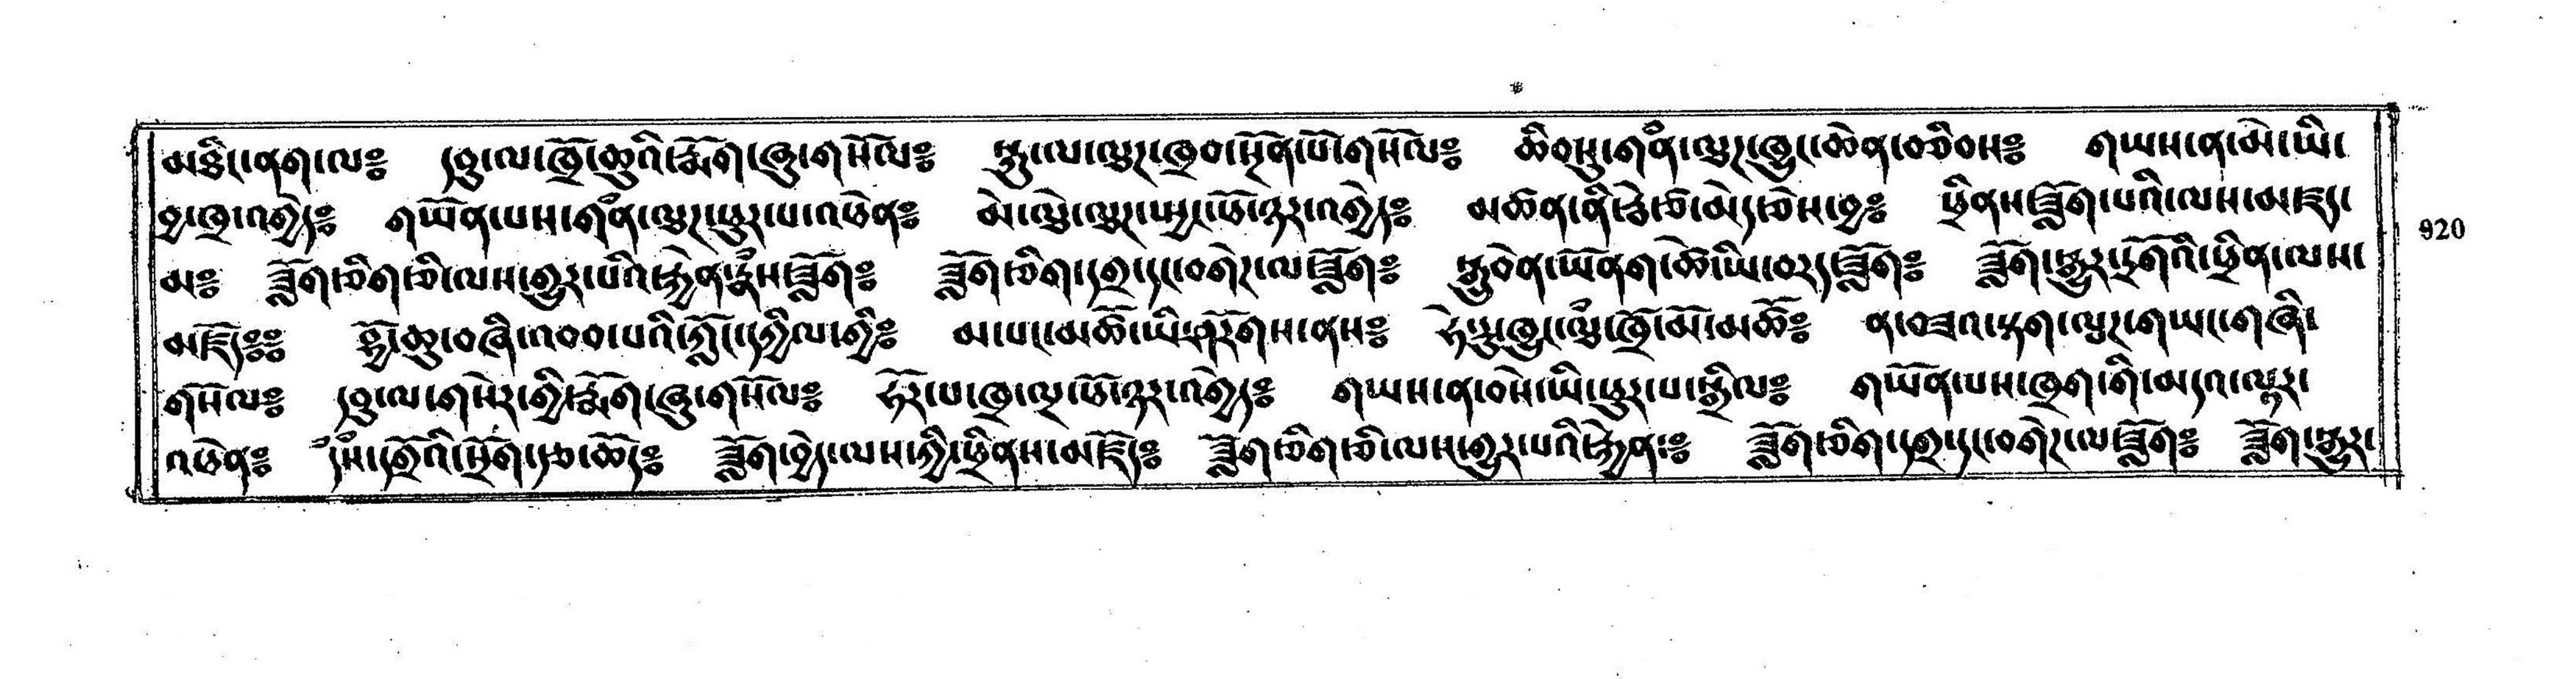མཐིང་ནག་ལ༔ དབུ་ལ་ཁྲོ་ཆུའི་རྨོག་ཞུ་གསོལ༔ སྐུ་ལ་ལྕགས་ཁྲབ་སྔོན་པོ་གསོལ༔ ཆིབས་སུ་གནམ་ལྕགས་ཁྱུང་ཆེན་བཅིབས༔ གཡས་ན་མེ་ཡི་
བྱ་ཁྲ་འགྱེད༔ གཡོན་པས་གནམ་ལྕགས་ཕུར་པ་འཕེན༔ མེ་ལྕེ་ལྕགས་སྤྱང་ཕོ་ཉར་འགྱེད༔ མཚན་ནི་རྦེ་ཙ་མེད་ཅེས་བྱ༔ ཕྲིན་ལས་ཟློག་པའི་ལས་མཛད་
མ༔ ཟློག་ཅིག་ཅི་ལས་གྱུར་པའི་རྐྱེན་རྣམས་ཟློག༔ ཟློག་ཅིག་དགྲ་དང་བགེགས་ལ་ཟློག༔ སྒྲུབ་གཤེན་ཡོན་བདག་ཚེ་ཡི་བར་ཆད་ཟློག༔ ཟློག་སྒྱུར་དྲག་པོའི་ཕྲིན་ལས་
མཛོད༔༔ བྷྱོ་ཆུ་བཞི་འབབ་པའི་ཀློང་དཀྱིལ་གྱི༔ མ་པང་མཚོ་ཡི་ཤར་ཕྱོགས་ནས༔ ཧེ་རུ་ཁྱུང་ལྕམ་ཁྲོ་མོ་མཚོ༔ ན་བཟའ་སྟག་ལྤགས་གཡང་གཞི་
གསོལ༔ དབུ་ལ་གསེར་གྱི་རྨོག་ཞུ་གསོལ༔ ཧོར་པ་ཁྲ་ལྔ་ཕོ་ཉར་འགྱེད༔ གཡས་ན་བསེ་ཡི་ཕུར་པ་སྒྲིལ༔ གཡོན་པས་ཁྲག་གི་མདའ་ལྟར་
འཕེན༔ དམ་ཉམས་དགྲ་བོའི་སྲོག་རྩ་ཆོད༔ ཟློག་བྱེད་ལས་ཀྱི་ཕྲིན་ལས་མཛོད༔ ཟློག་ཅིག་ཅི་ལས་གྱུར་པའི་རྐྱེན༴༔ ཟློག་ཅིག་དགྲ་དང་བགེགས་ལ་ཟློག༔ ཟློག་སྒྱུར་